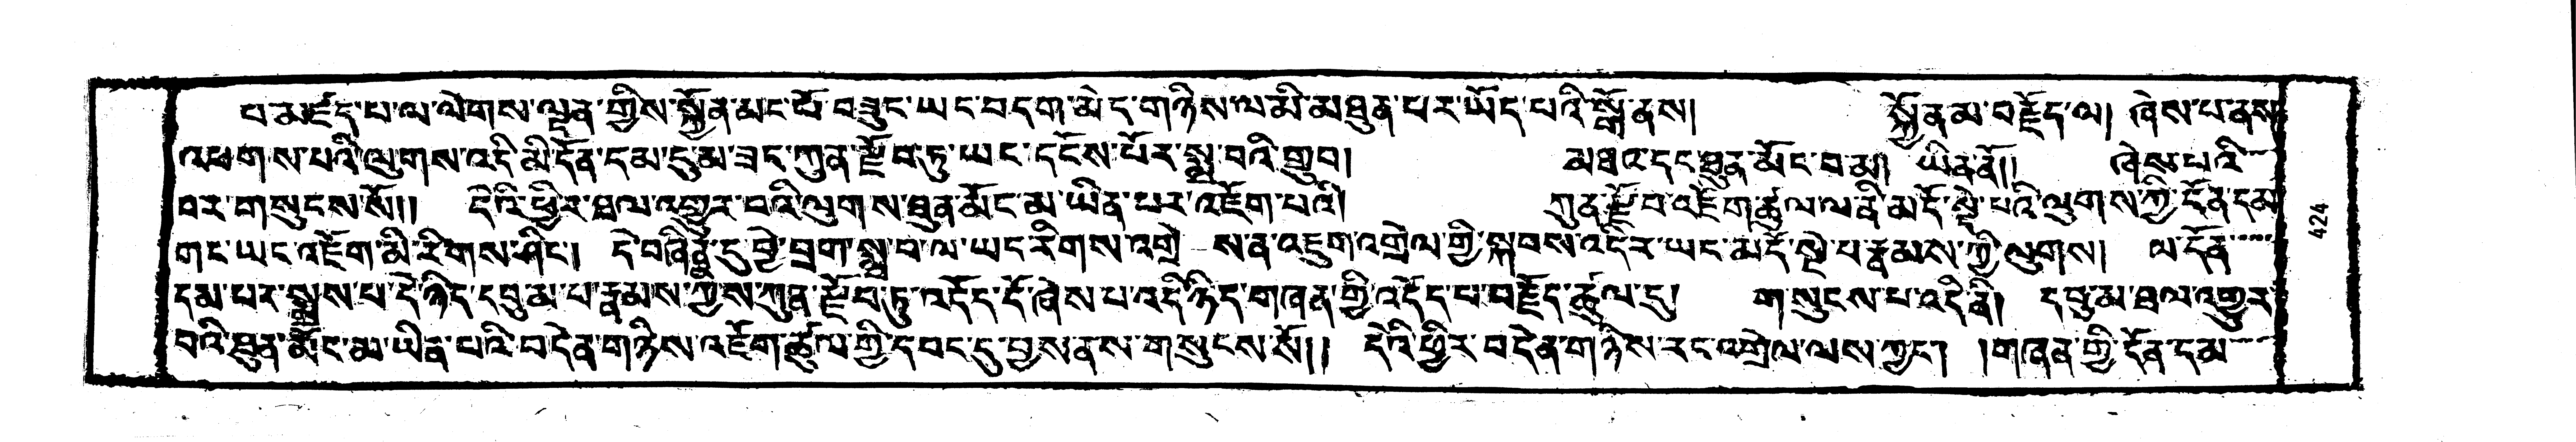བ་མཛད་པ་ལ་ལེགས་ལྡན་གྱིས་སྐྱོན་མང་པོ་བཟུང་ཡང་བདག་མེད་གཉིས་ལ་མི་མཐུན་པར་ཡོད་པའི་སྒོ་ནས། སྐྱོན་མ་བརྗོད་ལ། ཞེས་པ་ནས་
འཕགས་པའི་ལུགས་འདི་མི་དོན་དམ་དུ་མ་ཟད་ཀུན་རྫོབ་ཏུ་ཡང་དངོས་པོར་སྨྲ་བའི་གྲུབ། མཐའ་དང་ཐུན་མོང་བ་མ། ཡིན་ནོ། ཞེས་པའི་
བར་གསུངས་སོ། །དེའི་ཕྱིར་ཐལ་འགྱུར་བའི་ལུགས་ཐུན་མོང་མ་ཡིན་པར་འཇོག་པའི། ཀུན་རྫོབ་འཇོག་ཚུལ་ལ་ནི་མདོ་སྡེ་པའི་ལུགས་ཀྱི་དོན་དམ་
གང་ཡང་འཇོག་མི་རིགས་ཤིང་། དེ་བཞིན་དུ་བྱེ་བྲག་སྨྲ་བ་ལ་ཡང་རིགས་འགྲེ་ས་ན་འཇུག་འགྲེལ་གྱི་སྐབས་འདིར་ཡང་མདོ་སྡེ་པ་རྣམས་ཀྱི་ལུགས། ལ་དོན་
དམ་པར་སྨྲས་པ་དེ་ཉིད་དབུ་མ་པ་རྣམས་ཀྱིས་ཀུན་རྫོབ་ཏུ་འདོད་དོ་ཞེས་པ་འདི་ཉིད་གཞན་གྱི་འདོད་པ་བརྗོད་ཚུལ་དུ། གསུངས་པ་འདི་ནི། དབུ་མ་ཐལ་འགྱུར་
བའི་ཐུན་མོང་མ་ཡིན་པའི་བདེན་གཉིས་འཇོག་ཚུལ་གྱི་དབང་དུ་བྱས་ནས་གསུངས་སོ། །དེའི་ཕྱིར་བདེན་གཉིས་རང་འགྲེལ་ལས་ཀྱང་། །གཞན་གྱི་དོན་དམ་